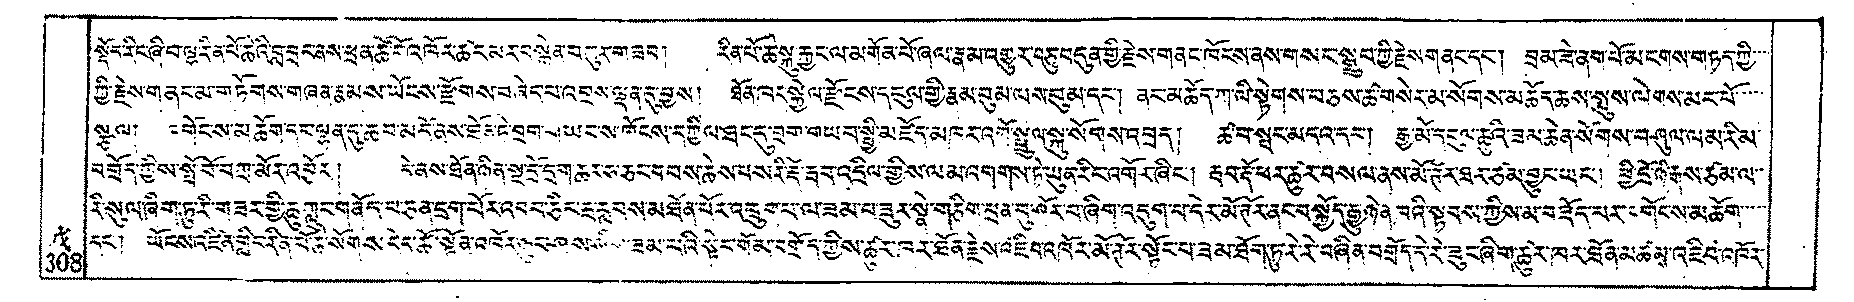སྡོད་རིང་ཞི་བ་ལྷ་རིན་པོ་ཆེའི་བླ་བྲང་ནས་ཕྲན་ཚོ་ངོ་འཁོར་ཚང་མར་བསྙེན་བཀུར་གཟབ། རིན་པོ་ཆེ་སྐུ་རྐྱང་ལ་མགོན་པོ་ཞལ་རྣམ་འགྱུར་བཅུ་བདུན་གྱི་རྗེས་གནང་ཁོངས་ནས་གསང་སྒྲུབ་ཀྱི་རྗེས་གནང་དང་། བྲམ་ཟེ་ནག་པོ་མངས་གཏད་ཀྱི་
ཀྱི་རྗེས་གནང་མ་གཏོགས་གཞན་རྣམས་ཡོངས་རྫོགས་བཞེད་པ་འབྲས་ལྡན་དུ་བྱས། ཐོན་ཁར་སྐྱེལ་རྫོངས་དངུལ་གྱི་རྣམ་བུམ་ལས་བུམ་དང་། ནང་མཆོད་ཀ་ལི་སྟེགས་བཅས་ཚ་གསེར་མ་སོགས་མཆོད་ཆས་སྤུས་ལེགས་མང་པོ་
སྩལ། ༧གོང་ས་མཆོག་དང་ལྷན་དུ་ཆབ་མདོ་ནས་ཐོན་ཏེ་བྲག་གཡབ་ས་ཁོངས་དཀྱིལ་ཐང་དུ་བྲག་གཡབ་སྤྱི་མཛོད་མཁར་འགོ་སྤྲུལ་སྐུ་སོགས་འཕྲད། ཚ་བ་སྤང་མདའ་དང་། རྒྱ་མོ་དངུལ་ཆུའི་ཟམ་ཆེན་སོགས་བཤུལ་ལམ་རིམ་
བགྲོད་ཀྱིས་སྤོ་བོ་བཀྲ་མོར་འབྱོར། དེ་ནས་ཐོན་ཉིན་སྔ་དྲོ་དྲག་ཆར་ཧ་ཅང་བབས་ཆེས་པས་རི་རྡོ་རྦབ་འདྲིལ་གྱིས་ལམ་འགགས་ཏེ་ཡུན་རིང་འགོར་ཞིང་། རྦབ་རྡོ་ཕར་ཚུར་བསལ་ནས་མོ་ཊོར་ཐར་ཙམ་བྱུང་ཡང་། ཕྱི་དྲོ་ཉི་རྒས་ཙམ་ལ་
རི་སུལ་ཞིག་ཏུ་རི་གཟར་གྱི་ཆུ་ཀླུང་གནོད་པ་ཅན་དྲག་པོར་འབབ་ཅིང་རྦ་རླབས་མཐོན་པོར་འཁྲུག་པ་ལ་ཟམ་པ་ཟུར་སྣེ་གཅིག་ཕྲན་བུ་ཤོར་བ་ཞིག་འདུག་པ་དེར་མོ་ཊོར་ནང་བསྐྱོད་རྒྱུ་ཉེན་ཁའི་སྟབས་ཀྱིས་མ་བཟོད་པར་༧གོང་ས་མཆོག་
དང་། ཡོངས་འཛིན་གླིང་རིན་པོ་ཆེ་སོགས་ངེད་ཚོ་སྟོན་འཁོར་ཉུང་ཤས་ཤིག་ཟམ་པའི་སྟེང་གོམ་བགྲོད་ཀྱིས་ཚུར་ཁར་ཐོན་རྗེས་འཇིབ་འཁོར་མོ་ཊོར་སྟོང་པ་ཟམ་ཐོག་ཏུ་རེ་རེ་བཞིན་བགྲོད་དེ་རེ་ཟུང་ཞིག་ཚུར་ཁར་ཐོན་མཚམས་འཇིབ་འཁོར་